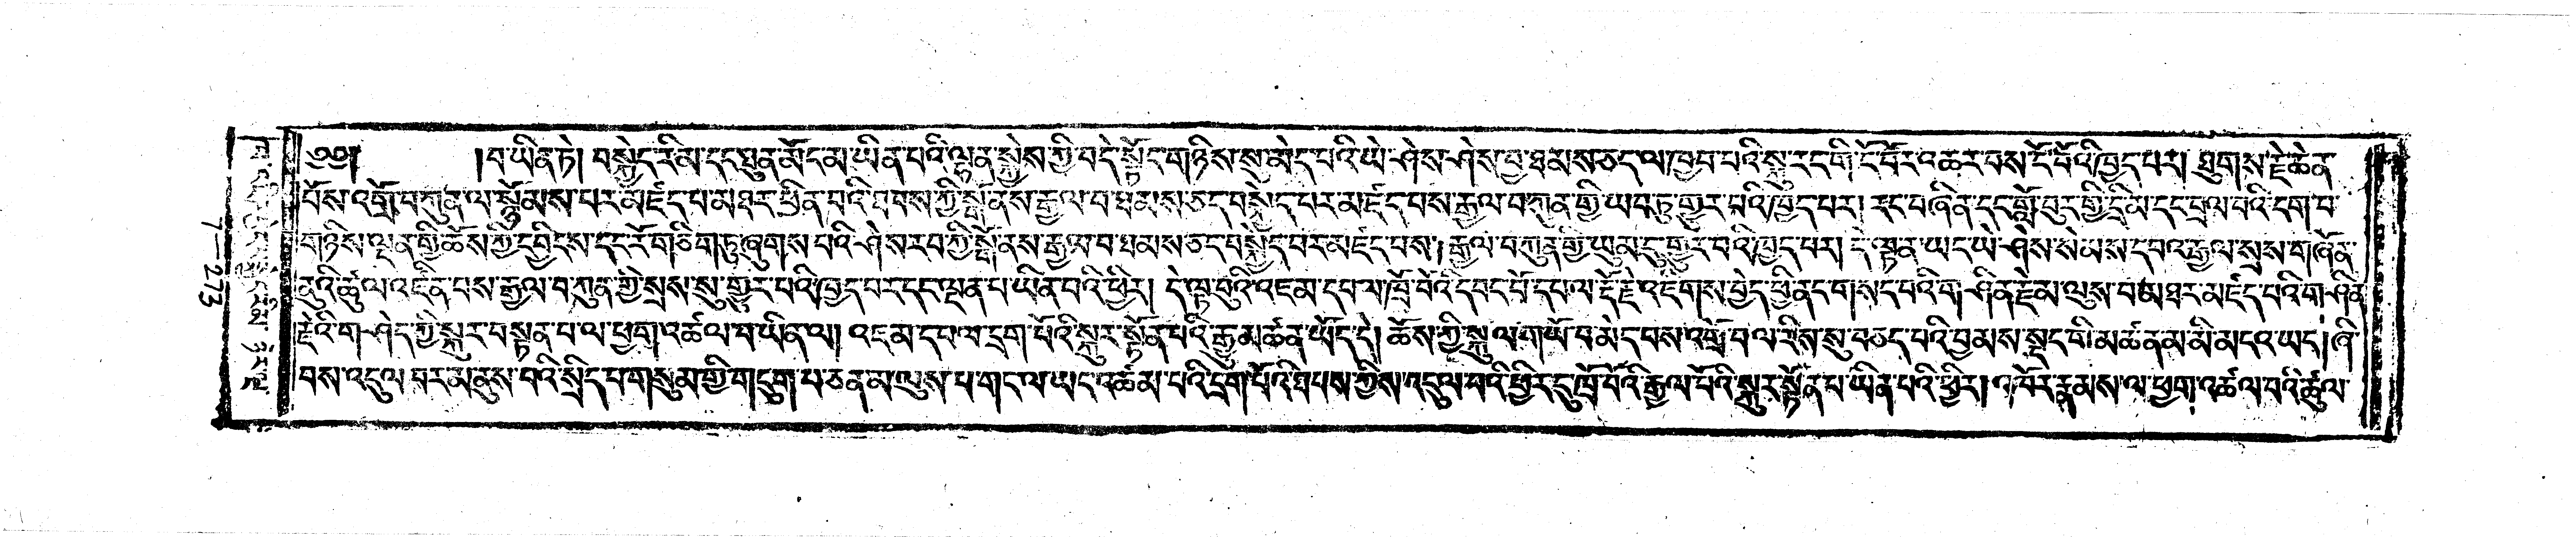༄༅། །བ་ཡིན་ཏེ། བསྐྱེད་རིམ་དང་ཐུན་མོང་མ་ཡིན་པའི་ལྷན་སྐྱེས་ཀྱི་བདེ་སྟོང་གཉིས་སུ་མེད་པའི་ཡེ་ཤེས་ཤེས་བྱ་ཐམས་ཅད་ལ་ཁྱབ་པའི་སྐུ་རང་གི་ངོ་བོར་འཆར་བས་ངོ་བོ་འཁྱད་པར། ཐུགས་རྗེ་ཆེན་
པོས་འགྲོ་བ་ཀུན་ལ་སྙོམས་པར་མཛད་པ་མཐར་ཕྱིན་པའི་ཐབས་ཀྱི་སྒོ་ནས་རྒྱལ་བ་ཐམས་ཅད་བསྐྱེད་པར་མཛད་པས་རྒྱལ་བ་ཀུན་གྱི་ཡབ་ཏུ་གྱུར་པའི་ཁྱད་པར། རང་བཞིན་དང་གློ་བུར་གྱི་དྲི་མ་དང་བྲལ་བའི་དག་པ་
གཉིས་ལྡན་གྱི་ཆོས་ཀྱི་དབྱིངས་དང་རོ་གཅིག་ཏུ་ཞུགས་པའི་ཤེས་རབ་ཀྱི་སྒོ་ནས་རྒྱལ་བ་ཐམས་ཅད་བསྐྱེད་པར་མཛད་པས། རྒྱལ་བ་ཀུན་གྱི་ཡུམ་དུ་གྱུར་བའི་ཁྱད་པར། དེ་ལྟ་ན་ཡང་ཡེ་ཤེས་སེམས་དཔའ་རྒྱལ་སྲས་གཞོན་
ནུའི་ཚུལ་འཛིན་པས་རྒྱལ་བ་ཀུན་གྱི་སྲས་སུ་གྱུར་བའི་ཁྱད་པར་དང་ལྡན་པ་ཡིན་པའི་ཕྱིར། དེ་ལྟ་བུའི་འཇམ་དཔལ་ཁྲོ་བོའི་དབང་པོ་དཔལ་རྡོ་རྗེ་འཇིགས་བྱེད་ཕྱི་ནང་གསང་བའི་གཤིན་རྗེ་མ་ལུས་པ་མཐར་མཛད་པའི་གཤིན་
རྗེའི་གཤེད་ཀྱི་སྐུར་བསྟན་པ་ལ་ཕྱག་འཚལ་བ་ཡིན་ལ། འཇམ་དཔལ་དྲག་པོའི་སྐུར་སྟོན་པའི་རྒྱུ་མཚན་ཡོད་དེ། ཆོས་ཀྱི་སྐུ་ལ་གཡོ་བ་མེད་པས་འགྲོ་བ་ལ་རིས་སུ་བཅད་པའི་བྱམས་སྡང་གི་མཚན་མ་མི་མངའ་ཡང་། ཞི་
བས་འདུལ་བར་མ་ནུས་པའི་སྲིད་པ་གསུམ་གྱི་གདུག་པ་ཅན་མ་ལུས་པ་གང་ལ་ཡང་འཚམ་པའི་དག་པོའི་ཐབས་ཀྱིས་འདུལ་བའི་ཕྱིར་དུ་ཁྲོ་བོའི་རྒྱལ་པོའི་སྐུར་སྟོན་པ་ཡིན་པའི་ཕྱིར། འཁོར་རྣམས་ལ་ཕྱག་འཚལ་བའི་ཚུལ་